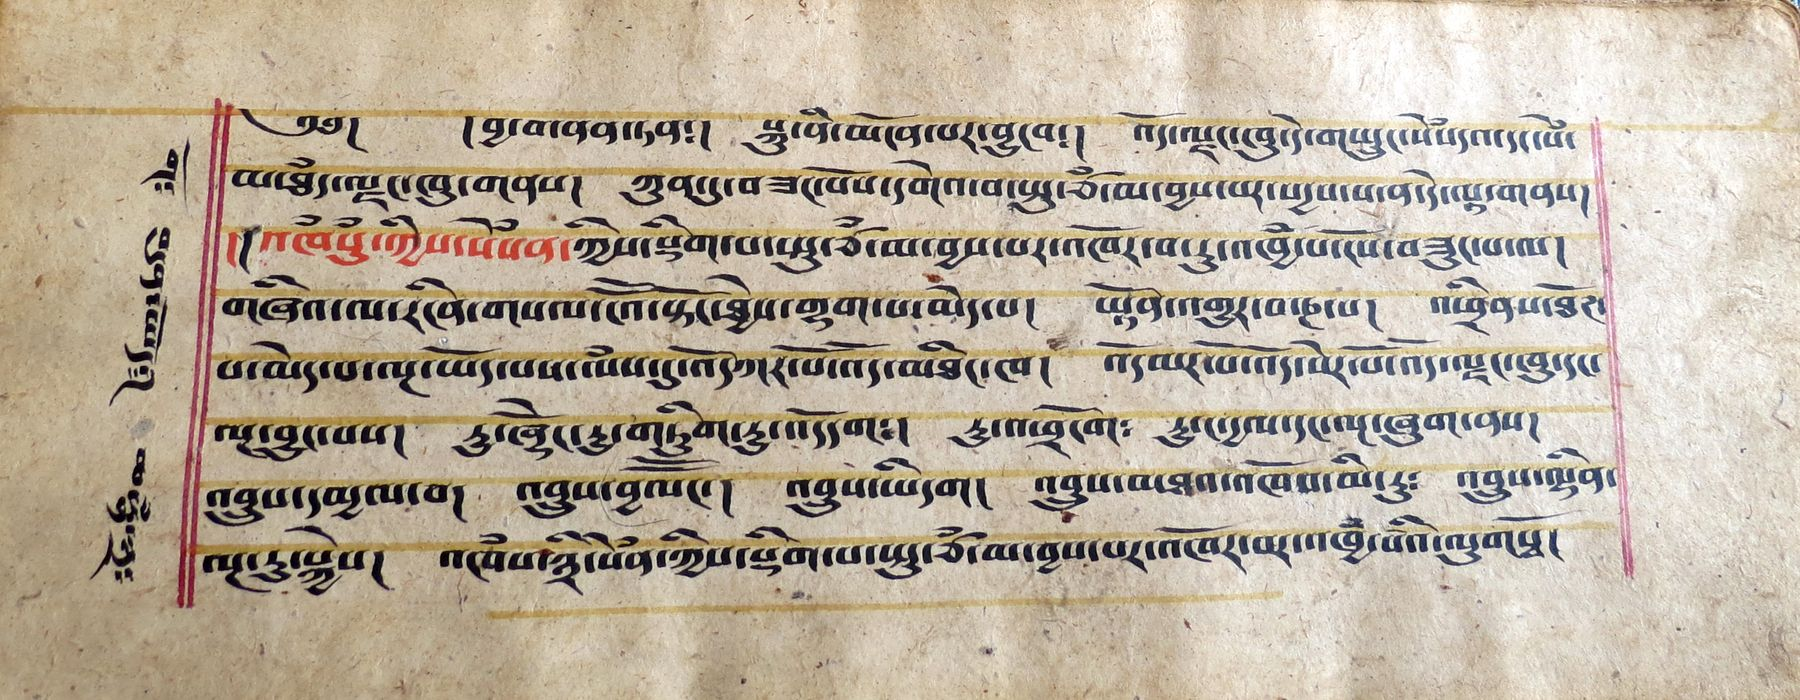བྱ་བ་ནན་ཏན་གྱི་ཡེ་ཤེས། སྐུ་མངོན་པར་བྱང་ཆུབ་ཀྱི་སྐུ། འོད་ལྗང་ཁུ་དེ་འཁོར་གཡུང་དྲུང་སེམས་དཔའ་སེམས་
མ་ཐམས་ཅད་ལྗང་ཁུ་རུ་གནས། ཀུན་ཏུ་བཟང་པོས་དགེ་བ་སྤུ་ཙམ་མ་བྱས་པར་སངས་རྒྱས་ཀྱི་ས་ན་དེ་ལྟར་གནས་
པ་ཡིན། ཁམས་གསུམ་གྱི་སེམས་ཅན་གྱིས་སྡིག་པ་སྤུ་ཙམ་ཡང་མ་བྱས་པར་འཁོར་བ་རུ་འཁྱམས་པ་ངོས་བཟུང་བ་ལ། 
གཞི་ལ་རང་བཞིན་གསལ། ངོ་བོ་སྟོང་པ། ཐུགས་རྗེ་འགག་པ་མེད་པ། ཡོན་ཏན་འགྱུར་བ་མེད་པ། འཕྲིན་ལས་ཐོགས་
པ་མེད་པ་རྣམ་པ་ལྔ་ཡོད་པས། ལམ་དུ་འོད་དཀར་པོ། མཐིང་ཁ། དམར་པོ། སེར་པོ། ལྗང་ཁུ་
ལྔར་བྱུང་བས། རྒྱུ་ཞེ་སྡང། རྒྱུ་གཏི་མུག རྒྱུ་འདོད་ཆགས། རྒྱུ་ཕྲག་དོག རྒྱུ་ང་རྒྱལ་དང་ལྔ་ཞུགས་ནས། 
འབྲས་བུ་དམྱལ་བ། འབྲས་བུ་བྱོལ་སོང། འབྲས་བུ་ཡི་དྭགས། འབྲས་བུ་མཐའ་འཁོབ་མི་རུ། འབྲས་བུ་ལྷ་དང་ལྷ་མ་ཡིན་
ལྔ་རུ་སྐྱེས། ཁམས་གསུམ་སེམས་ཅན་སྡིག་པ་མ་བྱས་འཁྱམས་པ་ལགས་སོ།